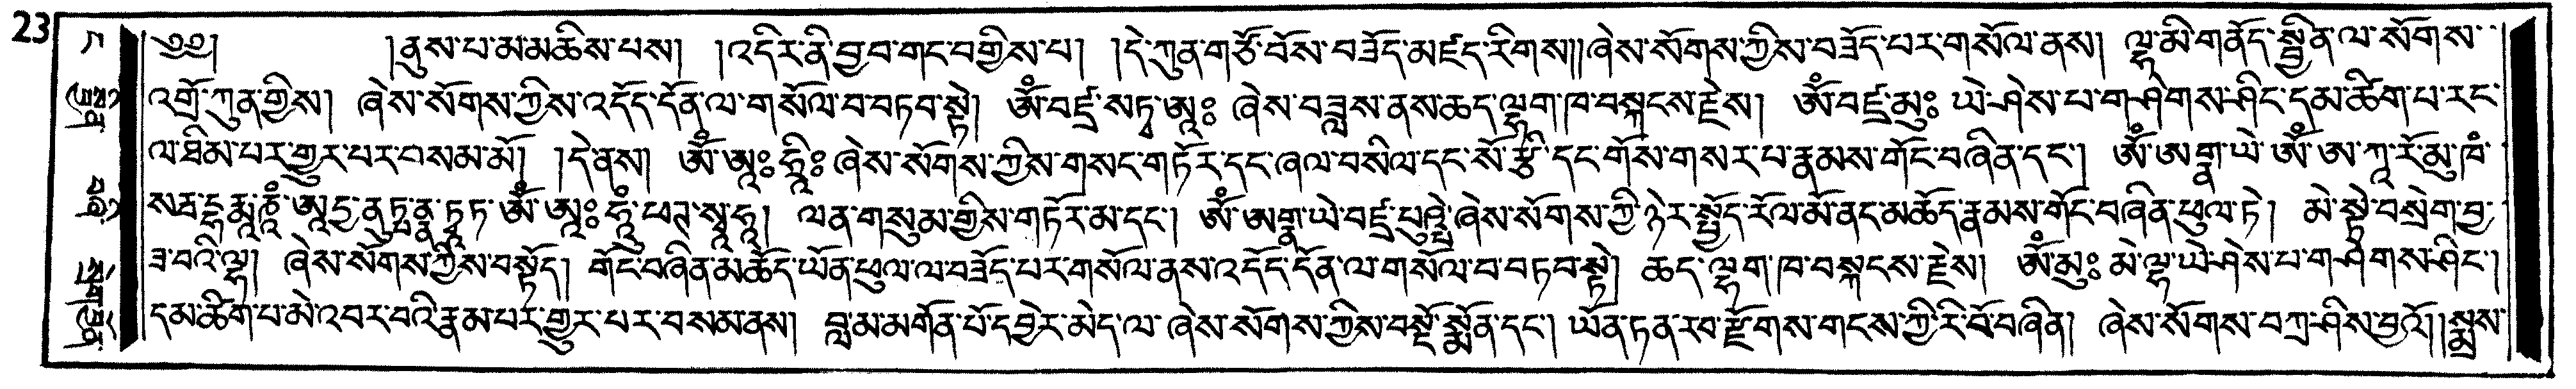༄༅། །ནུས་པ་མ་མཆིས་པས། །འདིར་ནི་བྱ་བ་གང་བགྱིས་པ། །དེ་ཀུན་གཙོ་བོས་བཟོད་མཛད་རིགས། །ཞེས་སོགས་ཀྱིས་བཟོད་པར་གསོལ་ནས། ལྷ་མི་གནོད་སྦྱིན་ལ་སོགས་
འགྲོ་ཀུན་གྱིས། ཞེས་སོགས་ཀྱིས་འདོད་དོན་ལ་གསོལ་བ་བཏབ་སྟེ། ཨོཾ་བྫྲ་སཏྭ་ཨཱཿ ཞེས་བཟླས་ནས་ཆད་ལྷག་ཁ་བསྐངས་རྗེས། ཨོཾ་བྫྲ་མུཿ ཡེ་ཤེས་པ་གཤེགས་ཤིང་དམ་ཚིག་པ་རང་
ལ་ཐིམ་པར་གྱུར་པར་བསམ་མོ། །དེ་ནས། ཨོཾ་ཨཱཿ ཧྲཱིཿ ཞེས་སོགས་ཀྱིས་གསང་གཏོར་དང་ཞལ་བསིལ་དང་སོ་རྩི་དང་གོས་གསར་པ་རྣམས་གོང་བཞིན་དང་། ཨོཾ་ཨགན་ཡེ་ཨོཾ་ཨ་ཀཱ་རོ་མུ་ཁཾ་སརྦ་དྷ་རྨཱ་ཎཱཾ་ཨཱ་དྱ་ནུཏྤ་ནྣ་ཏྭ་ཏ་ཨོཾ་ཨཱཿ ཧཱུཾ་ཕཊ་སྭཱ་ཧཱ། ལན་གསུམ་གྱིས་གཏོར་མ་དང་། ཨོཾ་ཨགན་ཡེ་བྫྲ་པུཥྤེ་ཞེས་སོགས་ཀྱི་ཉེར་སྤྱོད་རོལ་མོ་ནང་མཆོད་རྣམས་གོང་བཞིན་ཕུལ་ཏེ། མེ་སྟེ་བསྲེག་བྱ་
ཟ་བའི་ལྷ། ཞེས་སོགས་ཀྱིས་བསྟོད། གོང་བཞིན་མཆོད་ཡོན་ཕུལ་ལ་བཟོད་པར་གསོལ་ནས་འདོད་དོན་ལ་གསོལ་བ་བཏབ་སྟེ། ཆད་ལྷག་ཁ་བསྐངས་རྗེས། ཨོཾ་མུཿ མེ་ལྷ་ཡེ་ཤེས་པ་གཤེགས་ཤིང་།
དམ་ཚིག་པ་མེ་འབར་བའི་རྣམ་པར་གྱུར་པར་བསམ་ནས། བླ་མ་མགོན་པོ་དབྱེར་མེད་ལ་ཞེས་སོགས་ཀྱིས་བསྔོ་སྨོན་དང་། ཡོན་ཏན་རབ་རྫོགས་གངས་ཀྱི་རི་བོ་བཞིན། ཞེས་སོགས་བཀྲ་ཤིས་བྱའོ། །སྨྲས་